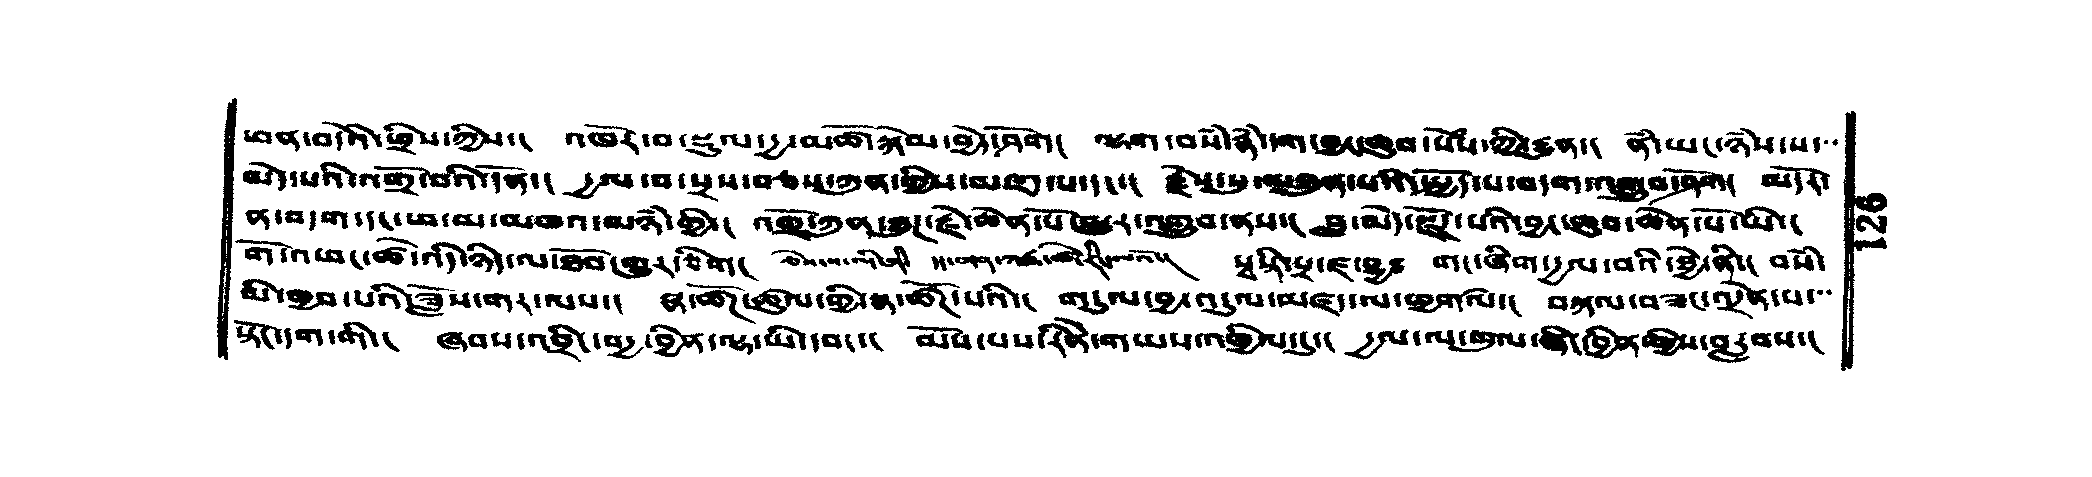ཕན་བདེའི་ཕྲིན་ལས་ཀྱིས། །འཁོར་བ་སྡུག་བསྔལ་རྒྱ་མཚོ་སྐེམ་བྱེད་ཤོག།ལྷག་བསམ་རྣམ་དག་བྱང་ཆུབ་སེམས་ཀྱི་རྒྱུན། །ནམ་ཡང་ཉམས་པ་
མེད་པའི་འགྲོ་བའི་དོན། །རྒྱལ་བ་སྲས་བཅས་ཀུན་གྱིས་མཛད་པ་དང་། །རྗེས་སུ་མཐུན་པའི་སྤྱོད་པ་བདག་འགྲུབ་ཤོག །མདོར་
ན་བདག་དང་ཕ་མ་མཁའ་མཉམ་གྱི། །འགྲོ་ཀུན་ཐུགས་རྗེ་ཆེན་པོ་མྱུར་འགྲུབ་ནས། །བླ་མེད་རྫོགས་པའི་བྱང་ཆུབ་ཆེན་པོ་ཡི། །
གོ་འཕང་ཚེ་འདི་ཉིད་ལ་ཐོབ་གྱུར་ཅིག ཅེས་པ་འདི་ནི། དད་ལྡན་ཀརྨ་ཚེ་རིང་ལའོ། ། སྭསྟི་པྲ་ཛྙཱ་བྷྱ༔ གང་ཞིག་རྒྱལ་བའི་ཐུགས་རྗེ་ནི། །བསམ་
མི་ཁྱབ་པའི་ཟློས་གར་ལས། །སྣ་ཚོགས་ཚུལ་གྱི་སྣ་ཚོགས་པའི། །གདུལ་བྱ་འདུལ་མཛད་ལ་ཕྱག་འཚལ། །བསྐལ་བཟང་འདྲེན་པ་
སྟོང་དག་གི །ཞབས་འབྲིང་བརྒྱ་བྱིན་ལྷ་ཡི་དབང་། །མོས་པས་རིན་ཆེན་གཡས་འཁྱིལ་དུང་། །རྒྱལ་ལ་ཕུལ་ཞིང་བྱིན་གྱིས་བརླབས།